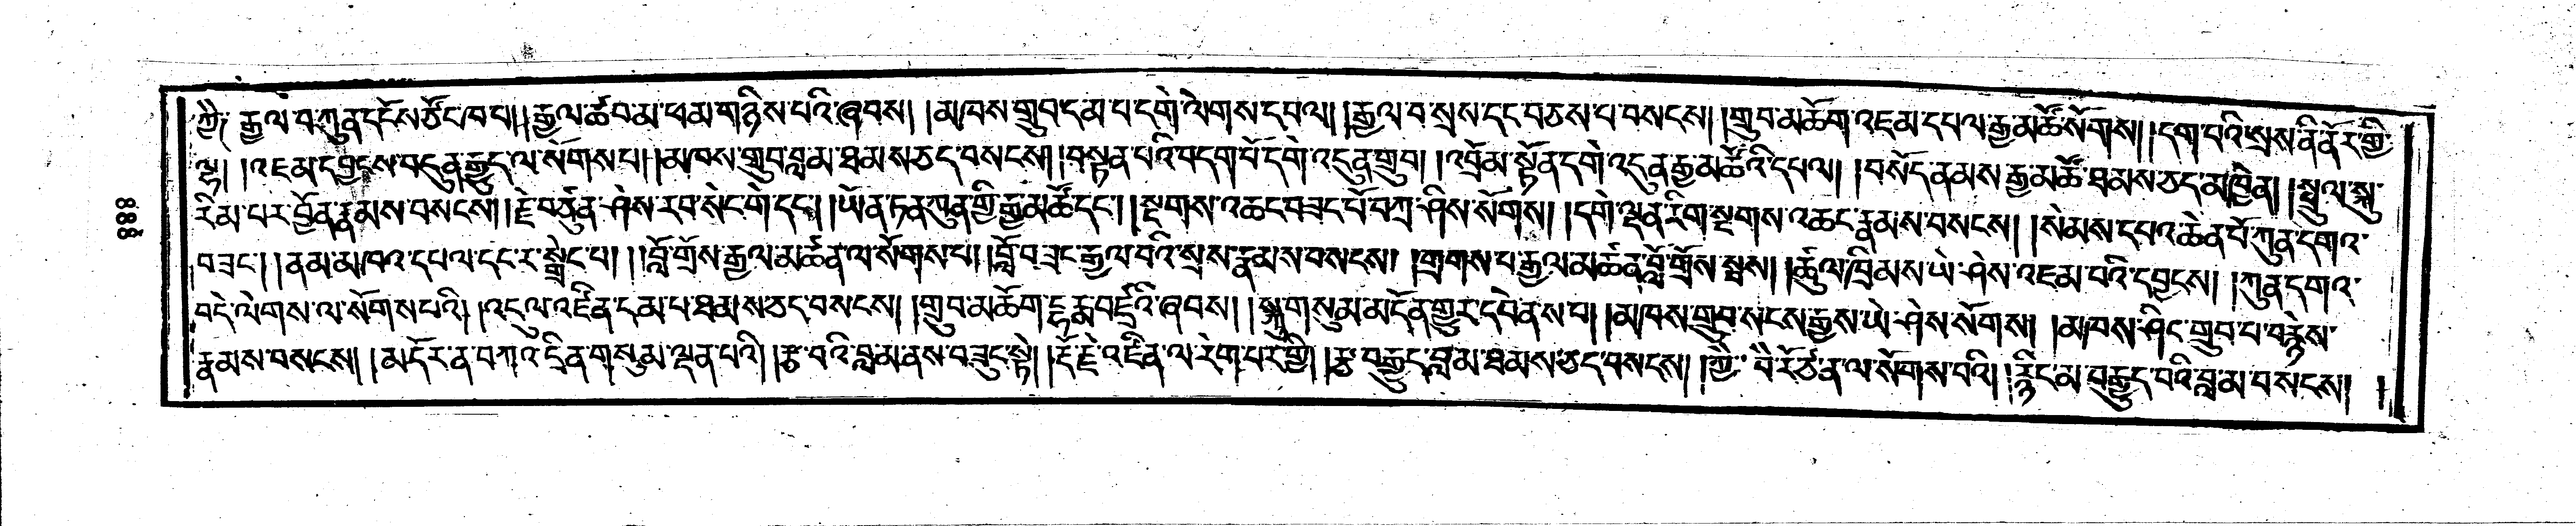ཀྱཻ། རྒྱལ་བ་ཀུན་དངོས་ཙོང་ཁ་པ། །རྒྱལ་ཚབ་མ་ཕམ་གཉིས་པའི་ཞབས། །མཁས་གྲུབ་དམ་པ་དགེ་ལེགས་དཔལ། །རྒྱལ་བ་སྲས་དང་བཅས་པ་བསངས། །གྲུབ་མཆོག་འཇམ་དཔལ་རྒྱ་མཚོ་སོགས། །དག་པའི་སྲས་ནི་ནོར་གྱི་
ལྷ། །འཇམ་དབྱངས་བདུན་རྒྱུད་ལ་སོགས་པ། །མཁས་གྲུབ་བླ་མ་ཐམས་ཅད་བསངས། །བསྟན་པའི་བདག་པོ་དགེ་འདུན་གྲུབ། །འབྲོམ་སྟོན་དགེ་འདུན་རྒྱ་མཚོའི་དཔལ། །བསོད་ནམས་རྒྱ་མཚོ་ཐམས་ཅད་མཁྱེན། །སྤྲུལ་སྐུ་
རིམ་པར་བྱོན་རྣམས་བསངས། །རྗེ་བཙུན་ཤེས་རབ་སེང་གེ་དང་། །ཡོན་ཏན་ཀུན་གྱི་རྒྱ་མཚོ་དང་། །སྔགས་འཆང་བཟང་པོ་བཀྲ་ཤིས་སོགས། །དགེ་ལྡན་རིག་སྔགས་འཆང་རྣམས་བསངས། །སེམས་དཔའ་ཆེན་པོ་ཀུན་དགའ་
བཟང་། །ནམ་མཁའ་དཔལ་དང་ར་སྒྲེང་བ། །བློ་གྲོས་རྒྱལ་མཚན་ལ་སོགས་པ། །བློ་བཟང་རྒྱལ་བའི་སྲས་རྣམས་བསངས། །གྲགས་པ་རྒྱལ་མཚན་བློ་གྲོས་སྦས། །ཚུལ་ཁྲིམས་ཡེ་ཤེས་འཇམ་པའི་དབྱངས། །ཀུན་དགའ་
བདེ་ལེགས་ལ་སོགས་པའི། །འདུལ་འཛིན་དམ་པ་ཐམས་ཅད་བསངས། །གྲུབ་མཆོག་དྷརྨ་བཛྲའི་ཞབས། །སྐུ་གསུམ་མངོན་གྱུར་དབེན་ས་པ། །མཁས་གྲུབ་སངས་རྒྱས་ཡེ་ཤེས་སོགས། །མཁས་ཤིང་གྲུབ་པ་བརྙེས་
རྣམས་བསངས། །མདོར་ན་བཀའ་དྲིན་གསུམ་ལྡན་པའི། །རྩ་བའི་བླ་མ་ནས་བཟུང་སྟེ། །རྡོ་རྗེ་འཛིན་ལ་རེག་བར་གྱི། །རྩ་བརྒྱུད་བླ་མ་ཐམས་ཅད་བསངས། །ཀྱཻ། བཻ་རོ་ཙ་ན་ལ་སོགས་པའི། །རྙིང་མ་བརྒྱུད་པའི་བླ་མ་བསངས། །